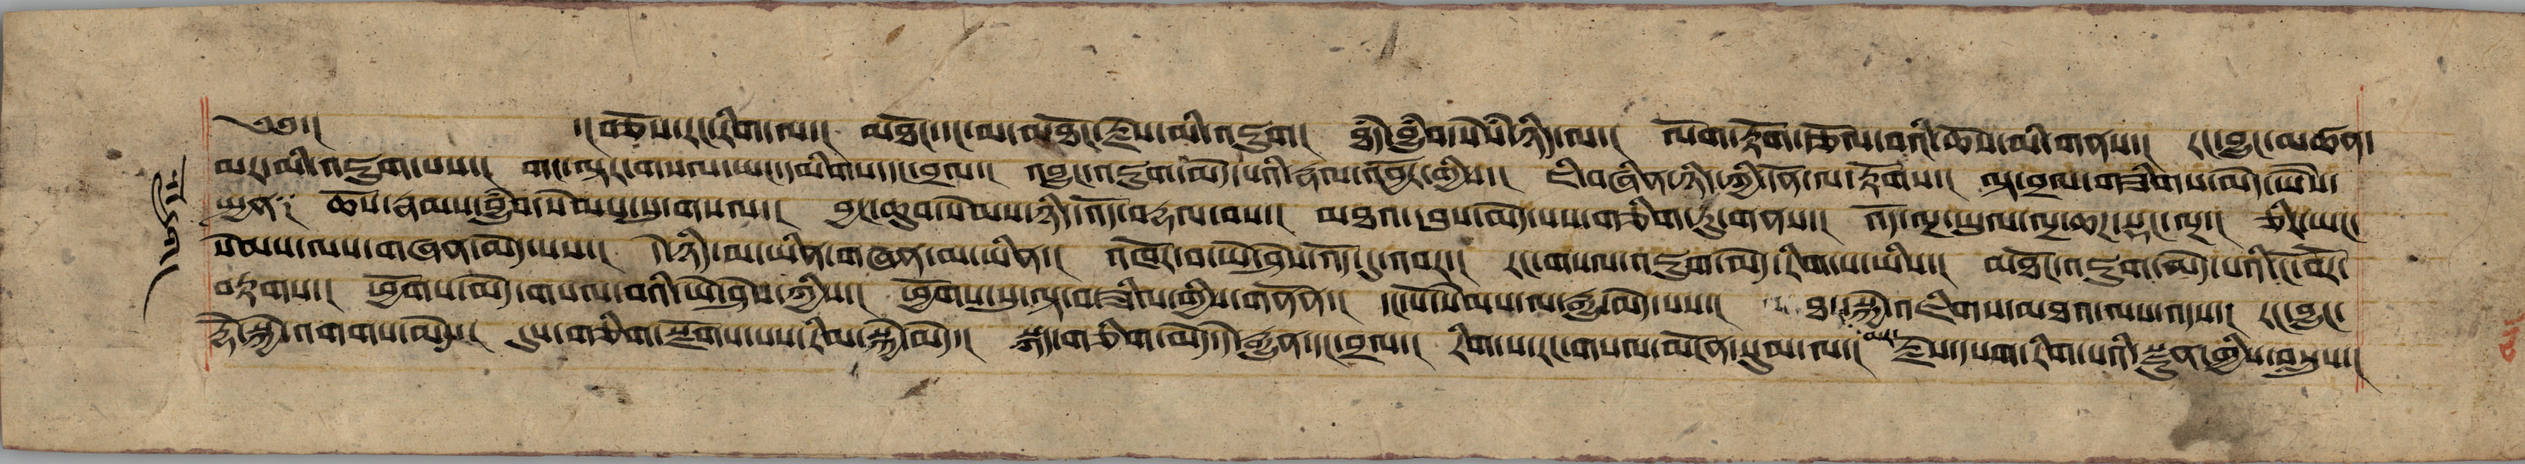༄༅་། ་།བཅོས་རང་རིག་ལ་། མཐོང་དང་མ་མཐོང་རྗེས་མི་འཇུག། ཐཾད་བྱུཾབ་སེཾས་ཉིད་ལ་། ལོག་རྟོག་རྩོལ་བའི་ཆོས་མི་གནས་། རང་བྱུང་མཚན་
མར་མི་འཇུག་པས་། གང་ལྟར་གསལ་ཡང་དམིགས་དང་བྲལ་། འབྱུང་འཇུག་མེད་པའི་རྣལ་འབྱོར་གྱིས་། ཇི་བཞིན་ཉིད་ཀྱི་དོན་ལ་རྟོགས་། ལྟ་བྲལ་གཟིགས་མེད་ཡཻས་
སྤྱན༑ ཆོས་རྣམས་བྱུཾབ་སེམས་སུ་གསལ་། བྱང་ཆུབ་སེམས་ཉིད་འོད་བརྡལ་བས་། མཐའ་དབུས་མེད་པས་གཅིག་ཏུ་གནས་། འདོ་ལྔ་ཡུལ་ལྔ་ཆཌ་སྡང་ལྔ་། ཅིར་ཡང་
སེམས་ལས་གཞན་མེད་པས་། དེ་ཉིད་མ་ཡིན་གཞན་མ་ཡིན་། འཁོར་བ་ཡེ་ཤེས་འོད་དུ་འབར་། རང་གསལ་འཇུག་མེད་རིག་པ་ཡིས་། མཐོང་འཇུག་མེད་པའི་ངོ་བོར་
བརྟགས་། ཕྱོགས་མེད་གསལ་བའི་ཡེ་ཤེས་ཀྱིས་། ཕྱོགས་སུ་ལྟ་བ་ཟིལ་གྱིས་གནོན་། དང་པོ་སེམས་ལ་རྒྱུ་མེད་པས་། ཐ་མར་སྐྱེ་འཇིགས་མཐའ་ལས་འདས་། རང་བྱུང་
རྡོེ་སྐྱེ་འགགས་མེད་། དུས་གཅིག་སྫོགས་པས་རིན་སྐྱེ་མེད་། སྐད་ཅིག་མེད་དེ་རྒྱུན་དང་བྲལ་། རིག་པ་རང་གསལ་མངོན་སུམ་ལ་། རྗེས་དཔག་རིག་པའི་སྫུན་གྱིས་བསྲུངས་།